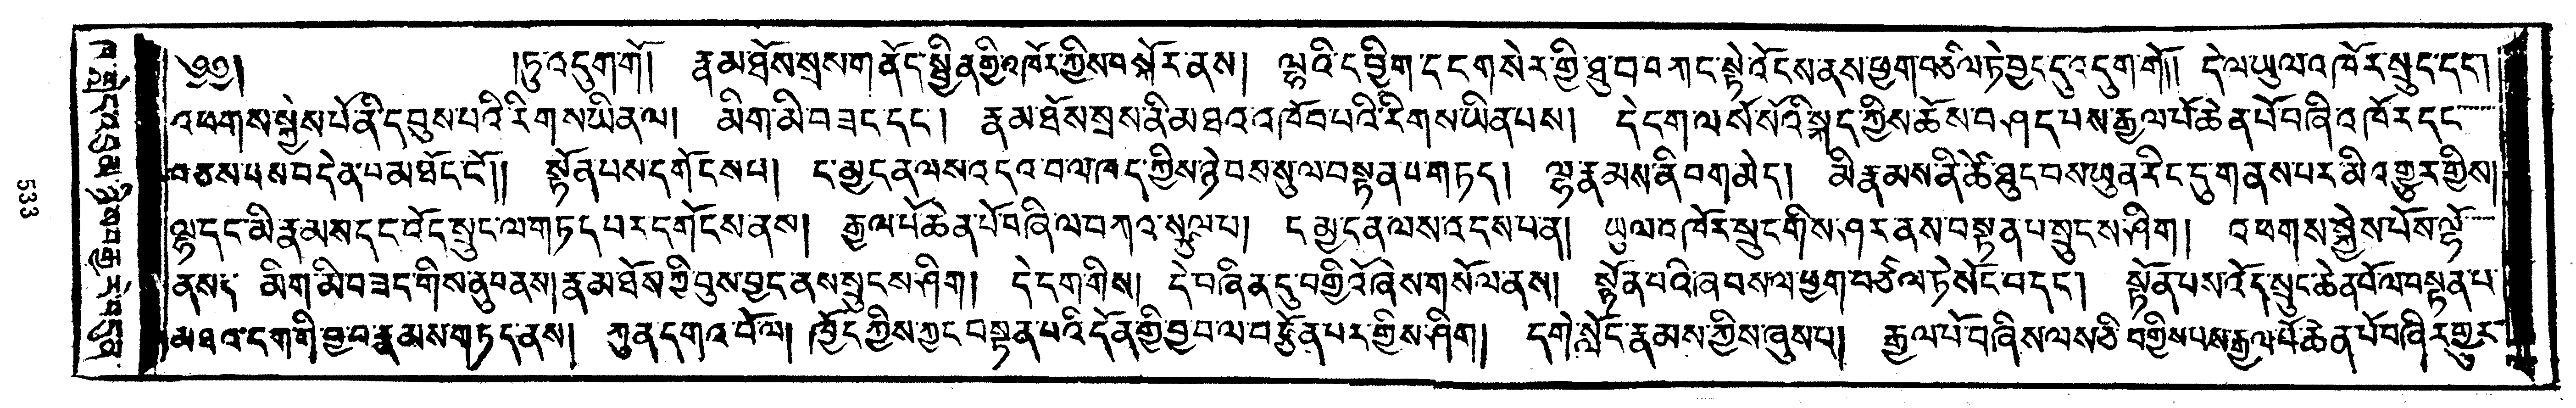༄༅། །ཏུ་འདུག་གོ། རྣམ་ཐོས་སྲས་གནོད་སྦྱིན་གྱི་འཁོར་ཀྱིས་བསྐོར་ནས། ལྷའི་དབྱིག་དང་གསེར་གྱི་ཐུ་བ་བཀང་སྟེ་འོངས་ནས་ཕྱག་བཅིལ་ཏེ་བྱང་དུ་འདུག་གོ།། དེ་ལ་ཡུལ་འཁོར་སྲུང་དང་།
འཕགས་སྐྱེས་པོ་ནི་དབུས་པའི་རིགས་ཡིན་ལ། མིག་མི་བཟང་དང་། རྣམ་ཐོས་སྲས་ནི་མཐའ་འཁོབ་པའི་རིགས་ཡིན་པས། དེ་དག་ལ་སོ་སོའི་སྐད་ཀྱིས་ཆོས་བཤད་པས་རྒྱལ་པོ་ཆེན་པོ་བཞི་འཁོར་དང་
བཅས་པས་བདེན་པ་མཐོང་ངོ།། སྟོན་པས་དགོངས་པ། ང་མྱ་ངན་ལས་འདའ་བ་ལ་ཁད་ཀྱིས་ཉེ་བས་སུ་ལ་བསྟན་པ་གཏད། ལྷ་རྣམས་ནི་བག་མེད། མི་རྣམས་ནི་ཚེ་ཐུང་བས་ཡུན་རིང་དུ་གནས་པར་མི་འགྱུར་གྱིས།
ལྷ་དང་མི་རྣམས་དང་འོད་སྲུང་ལ་གཏད་པར་དགོངས་ནས། རྒྱལ་པོ་ཆེན་པོ་བཞི་ལ་བཀའ་སྩལ་པ། ང་མྱ་ངན་ལས་འདས་པ་ན། ཡུལ་འཁོར་སྲུང་གིས་ཤར་ནས་བསྟན་པ་སྲུངས་ཤིག། འཕགས་སྐྱེས་པོས་ལྷོ་
ནས༑ མིག་མི་བཟང་གིས་ནུབ་ནས། རྣམ་ཐོས་ཀྱི་བུས་བྱང་ནས་སྲུངས་ཤིག། དེ་དག་གིས། དེ་བཞིན་དུ་བགྱིའོ་ཞེས་གསོལ་ནས། སྟོན་པའི་ཞབས་ལ་ཕྱག་བཙལ་ཏེ་སོང་བ་དང་། སྟོན་པས་འོད་སྲུང་ཆེན་པོ་ལ་བསྟན་པ་
མཐའ་དག་གི་བྱ་བ་རྣམས་གཏད་ནས། ཀུན་དགའ་བོ་ལ། ཁྱོད་ཀྱིས་ཀྱང་བསྟན་པའི་དོན་གྱི་བྱ་བ་ལ་བརྩོན་པར་གྱིས་ཤིག། དགེ་སློང་རྣམས་ཀྱིས་ཞུས་པ། རྒྱལ་པོ་བཞིས་ལས་ཅི་བགྱིས་པས་རྒྱལ་པོ་ཆེན་པོ་བཞིར་གྱུར་